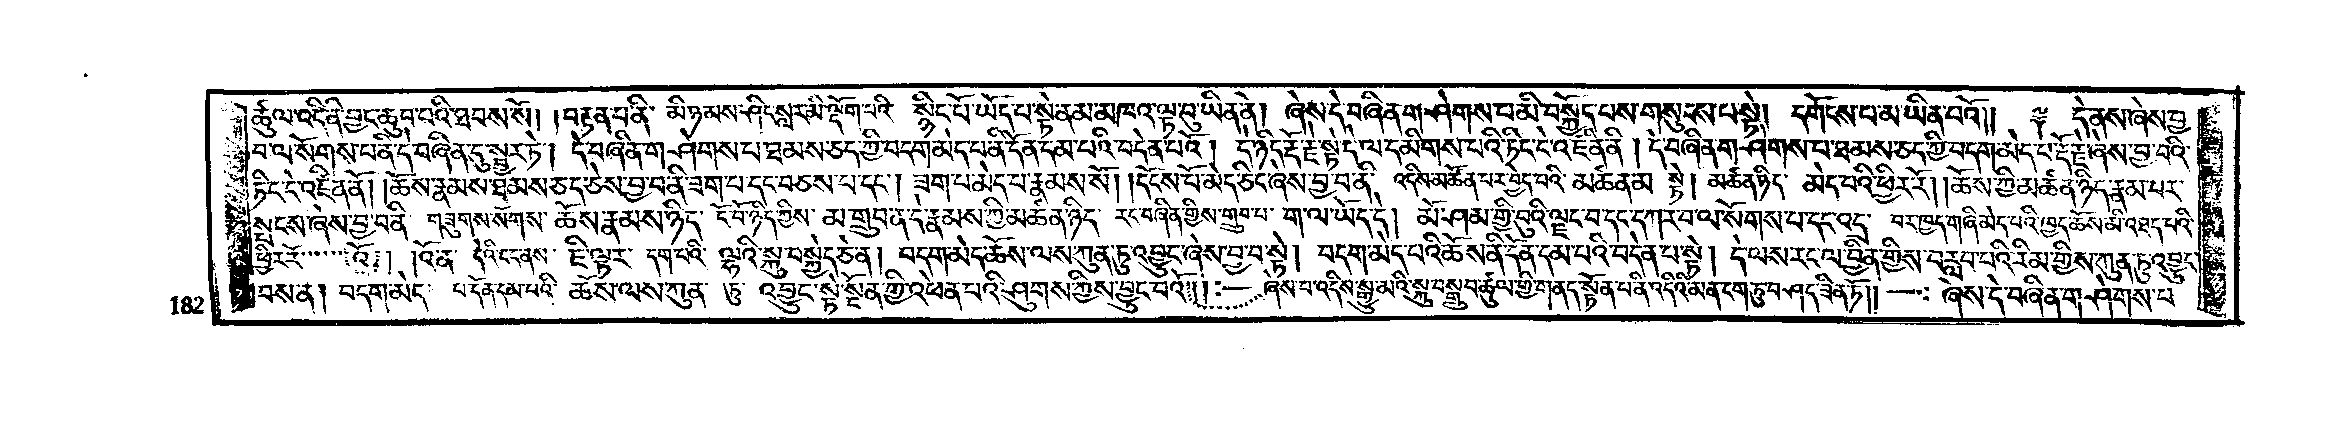ཚུལ་འདི་ནི་བྱང་ཆུབ་པའི་ཐབས་སོ། །བརྟན་པ་ནི་མི་ཉམས་ཤིང་སླར་མི་ལྡོག་པའི་སྙིང་པོ་ཡོད་པ་སྟེ་ནམ་མཁའ་ལྟ་བུ་ཡིན་ནོ། ཞེས་དེ་བཞིན་གཤེགས་པ་མི་བསྐྱོད་པས་གསུངས་པ་སྟེ། དགོངས་པ་མ་ཡིན་པའོ།། ༈ དེ་ནས་ཞེས་བྱ་
བ་ལ་སོགས་པ་ནི་དེ་བཞིན་དུ་སྦྱར་ཏེ། དེ་བཞིན་གཤེགས་པ་ཐམས་ཅད་ཀྱི་བདག་མེད་པ་ནི་དོན་དམ་པའི་བདེན་པའོ། དེ་ཉིད་རྡོ་རྗེ་སྟེ་དེ་ལ་དམིགས་པའི་ཏིང་ངེ་འཛིན་ནི། དེ་བཞིན་གཤེགས་པ་ཐམས་ཅད་ཀྱི་བདག་མེད་པ་རྡོ་རྗེ་ཞེས་བྱ་བའི་
ཏིང་ངེ་འཛིན་ནོ། །ཆོས་རྣམས་ཐམས་ཅད་ཅེས་བྱ་བ་ནི་ཟག་པ་དང་བཅས་པ་དང་། ཟག་པ་མེད་པ་རྣམས་སོ། །དངོས་པོ་མེད་ཅིང་ཞེས་བྱ་བ་ནི་འདིས་མཚོན་པར་བྱེད་པའི་མཚན་མ་སྟེ། མཚན་ཉིད་མེད་པའི་ཕྱིར་རོ། །ཆོས་ཀྱི་མཚན་ཉིད་རྣམ་པར་
སྤངས་ཞེས་བྱ་བ་ནི་གཟུགས་སོགས་ཆོས་རྣམས་ཉིད་ངོ་བོ་ཉིད་ཀྱིས་མ་གྲུབ་ན་དེ་རྣམས་ཀྱི་མཚན་ཉིད་རང་བཞིན་གྱིས་གྲུབ་པ་ག་ལ་ཡོད་དེ། མོ་ཤམ་གྱི་བུའི་ལྗང་བ་དང་དཀར་བ་ལ་སོགས་པ་དང་འདྲ་བར་ཁྱད་གཞི་མེད་པའི་ཁྱད་ཆོས་མི་འཐད་པའི་
ཕྱིར་རོ་འོ། །འོ་ན་དེའི་ངང་ནས་ཇི་ལྟར་དག་པའི་ལྷའི་སྐུ་བསྐྱེད་ཅེ་ན། བདག་མེད་ཆོས་ལས་ཀུན་ཏུ་འབྱུང་ཞེས་བྱ་བ་སྟེ། བདག་མེད་པའི་ཆོས་ནི་དོན་དམ་པའི་བདེན་པ་སྟེ། དེ་ལས་རང་ལ་བྱིན་གྱིས་བརླབ་པའི་རིམ་གྱིས་ཀུན་ཏུ་འབྱུང་
བས་ན། བདག་མེད་པ་དོན་དམ་པའི་ཆོས་ལས་ཀུན་ཏུ་འབྱུང་སྟེ་སྔོན་གྱི་འཕེན་པའི་ཤུགས་ཀྱིས་བྱུང་བའོ།། H.་ཞེས་པ་འདིས་སྒྱུ་མའི་སྐུ་བསྒྲུབ་ཚུལ་གྱི་གནད་སྟོན་པ་ནི་འདིའི་མན་ངག་ཏུ་བཤད་ཟིན་ཏོ།།  .H ཞེས་དེ་བཞིན་གཤེགས་པ་